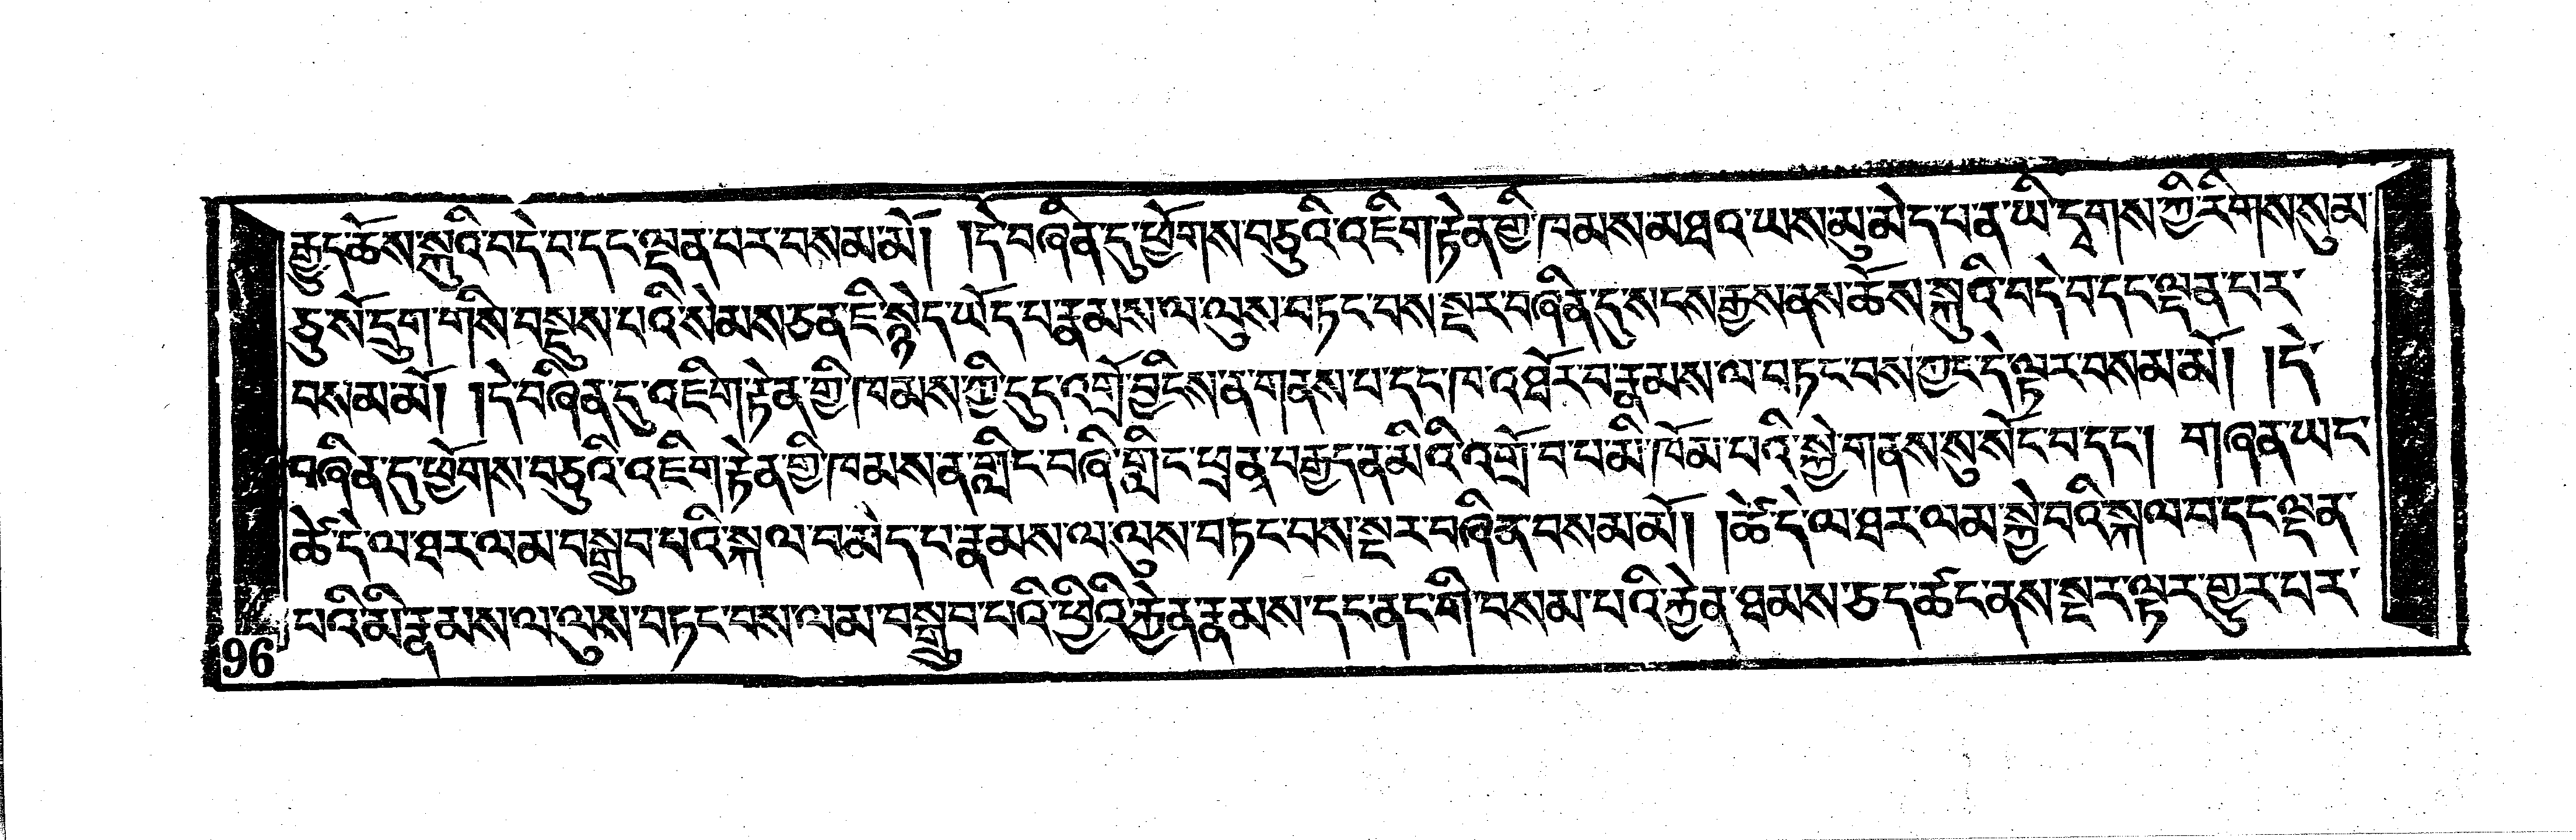རྒྱུད་ཆོས་སྐུའི་བདེ་བ་དང་ལྡན་པར་བསམ་མོ། །དེ་བཞིན་དུ་ཕྱོགས་བཅུའི་འཇིག་རྟེན་གྱི་ཁམས་མཐའ་ཡས་མུ་མེད་པ་ན་ཡི་དྭགས་ཀྱི་རིགས་སུམ་
ཅུ་སོ་དྲུག་གིས་བསྡུས་པའི་སེམས་ཅན་ཇི་སྙེད་ཡོད་པ་རྣམས་ལ་ལུས་བཏང་བས་སྔར་བཞིན་དུ་སངས་རྒྱས་ནས་ཆོས་སྐུའི་བདེ་བ་དང་ལྡན་པར་
བསམ་མོ། །དེ་བཞིན་དུ་འཇིག་རྟེན་གྱི་ཁམས་ཀྱི་དུད་འགྲོ་བྱིངས་ན་གནས་པ་དང་ཁ་འཐོར་བ་རྣམས་ལ་བཏང་བས་ཀྱང་དེ་ལྟར་བསམ་མོ། །དེ་
བཞིན་དུ་ཕྱོགས་བཅུའི་འཇིག་རྟེན་གྱི་ཁམས་ན་གླིང་བཞི་གླིང་ཕྲན་བརྒྱད་ན་མིའི་འགྲོ་བ་པ་མི་ཁོམ་པའི་སྐྱེ་གནས་སུ་སོང་བ་དང་། གཞན་ཡང་
ཚེ་དེ་ལ་ཐར་ལམ་བསྒྲུབ་པའི་སྐལ་བ་མེད་པ་རྣམས་ལ་ལུས་བཏང་བས་སྔར་བཞིན་བསམ་མོ། །ཚེ་དེ་ལ་ཐར་ལམ་སྐྱེ་བའི་སྐལ་བ་དང་ལྡན་
པའི་མི་རྣམས་ལ་ལུས་བཏང་བས་ལམ་བསྒྲུབ་པའི་ཕྱིའི་རྐྱེན་རྣམས་དང་ནང་གི་བསམ་པའི་རྐྱེན་ཐམས་ཅད་ཚང་ནས་སྔར་ལྟར་གྱུར་པར་